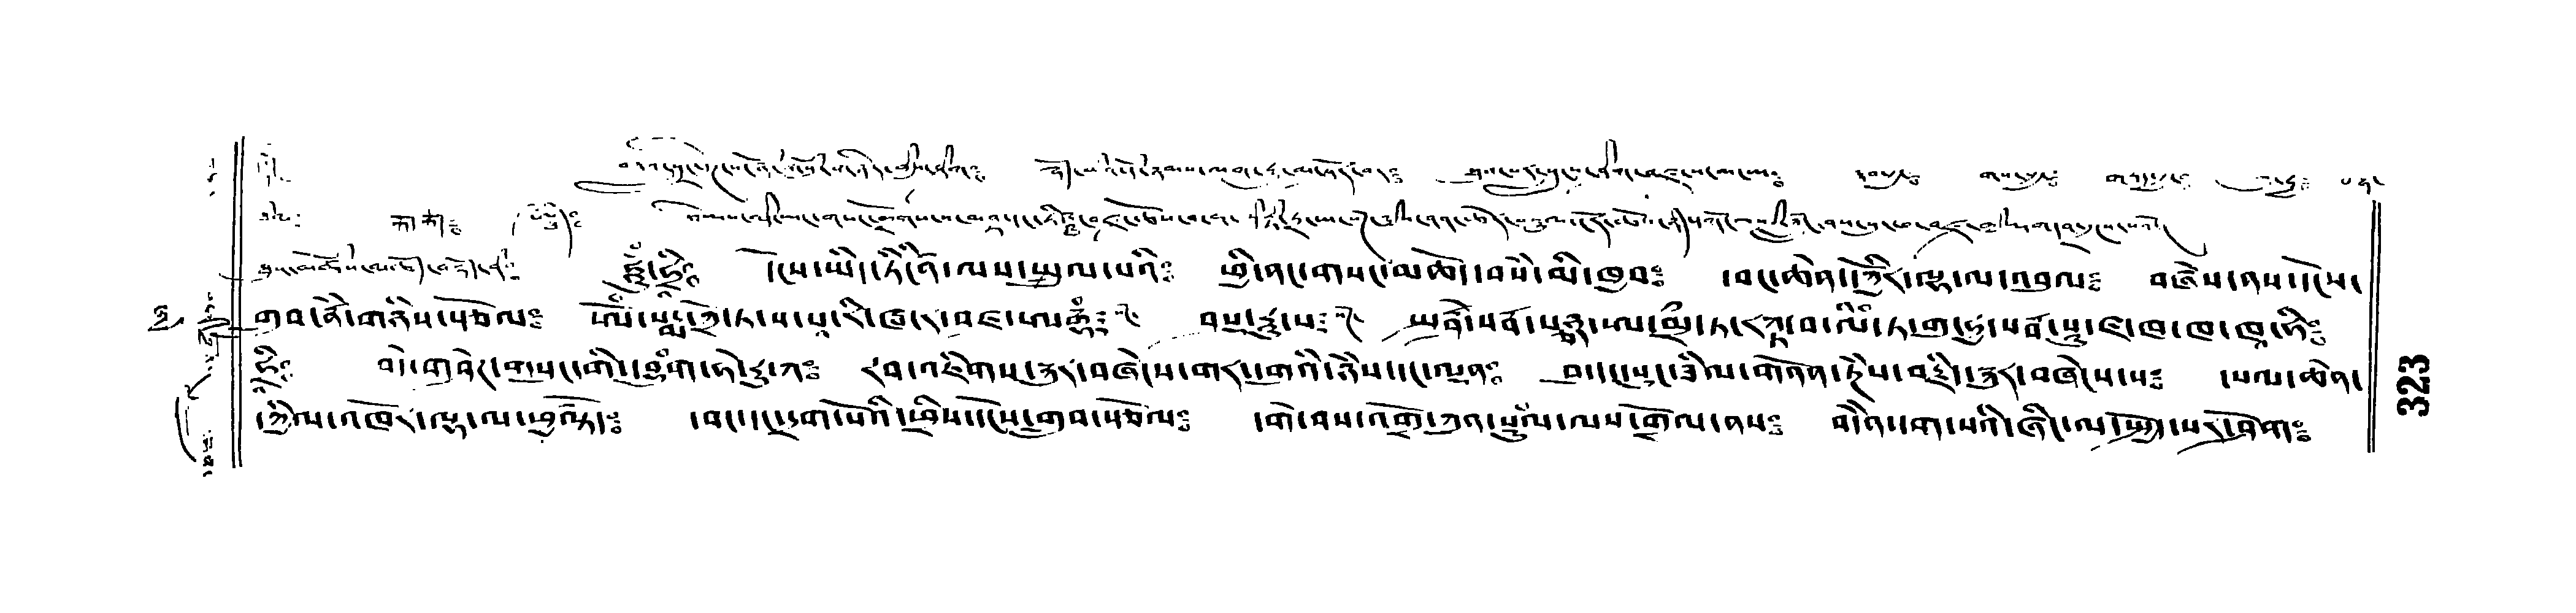དྲེགས་པ་རྣམ་གསུམ་གཉེར་གྱིས་ཤིག༔ སྣོད་མིན་དམ་ཉམས་ལག་ཏུ་མ་ཤོར་བར༔ ཐུབ་པར་སྲུངས་ཤིག་བཛྲ་ས་མ་ཡ༔ ཟབ་རྒྱ༔ གསང་རྒྱ༔ གཏད་རྒྱ༔ གུ་ཧྱ༔ བརྡ་
ཐིམ༔ ཅེས་པ་འདི་ཡང་གསང་གྲོགས་ས་མནྟ་དང་ཏིཥྛ་བཛྲ། ཆོས་བདག་ཀིརྟི་ཏྲ་ཡ་སོགས་ཀྱིས་ནན་ཆེར་བསྐུལ་ངོར་ཆོས་ཉིད་དགོངས་པའི་ཀློང་ནས་སུ་ཁ་བཛྲ་གྱིས་གདན་དྲངས་པའོ།། 
ཐུན་མཚམས་མཆོད་བསྟོད་ནི༔ ཧཱུྃ་ཧྲཱིཿ དངོས་ཡིད་ཏིང་འཛིན་ལས་སྤྲུལ་པའི༔ ཕྱི་ནང་གསང་མཆོད་བསམ་མི་ཁྱབ༔ དབང་ཆེན་དཀྱིལ་འཁོར་ལྷ་ལ་འབུལ༔ བཞེས་ནས་དངོས་
གྲུབ་རྣམགཉིས་སྩོལ༔ ཨོཾ་པདྨ་ཀྲོ་ཏ་ས་པཱ་རི་ཝ་ར་བཛྲ་ཨརྒྷཾ༴ སོགས༔ ཤཔྡ་རཱུ་པ༴ སོགས༔ སྤརྴེ་སརྦ་པཉྩ་ཨ་མྲྀ་ཏ་རཀྟ་བ་ལིཾ་ཏ་གུ་ཧྱ་སརྦ་པཱུ་ཛ་ཁ་ཁ་ཁཱ་ཧི༔ 
ཧྲཱིཿ བདེ་གཤེགས་གསུང་གི་དབང་ཕྱུག་ཧེ་རུ་ཀ༔ རབ་འཇིགས་སྐུར་བཞེངས་གར་དགུའི་ཉམས་དང་ལྡན༔ བདུད་དཔུང་ཟིལ་གནོན་རྔམས་བརྗིད་སྐུར་བཞེངས་པ༔ དཔལ་ཆེན་
དཀྱིལ་འཁོར་ལྷ་ལ་ཕྱག་འཚལ་བསྟོད༔ དབང་དང་དྲག་པོའི་ཕྲིན་ལས་དངོས་གྲུབ་སྩོལ༔ དགེ་བས་འགྲོ་ཀུན་སྡུག་བསྔལ་ལས་གྲོལ་ནས༔ བདེ་ཆེན་དག་པའི་ཞིང་ལ་སྤྱོད་པར་ཤོག༔